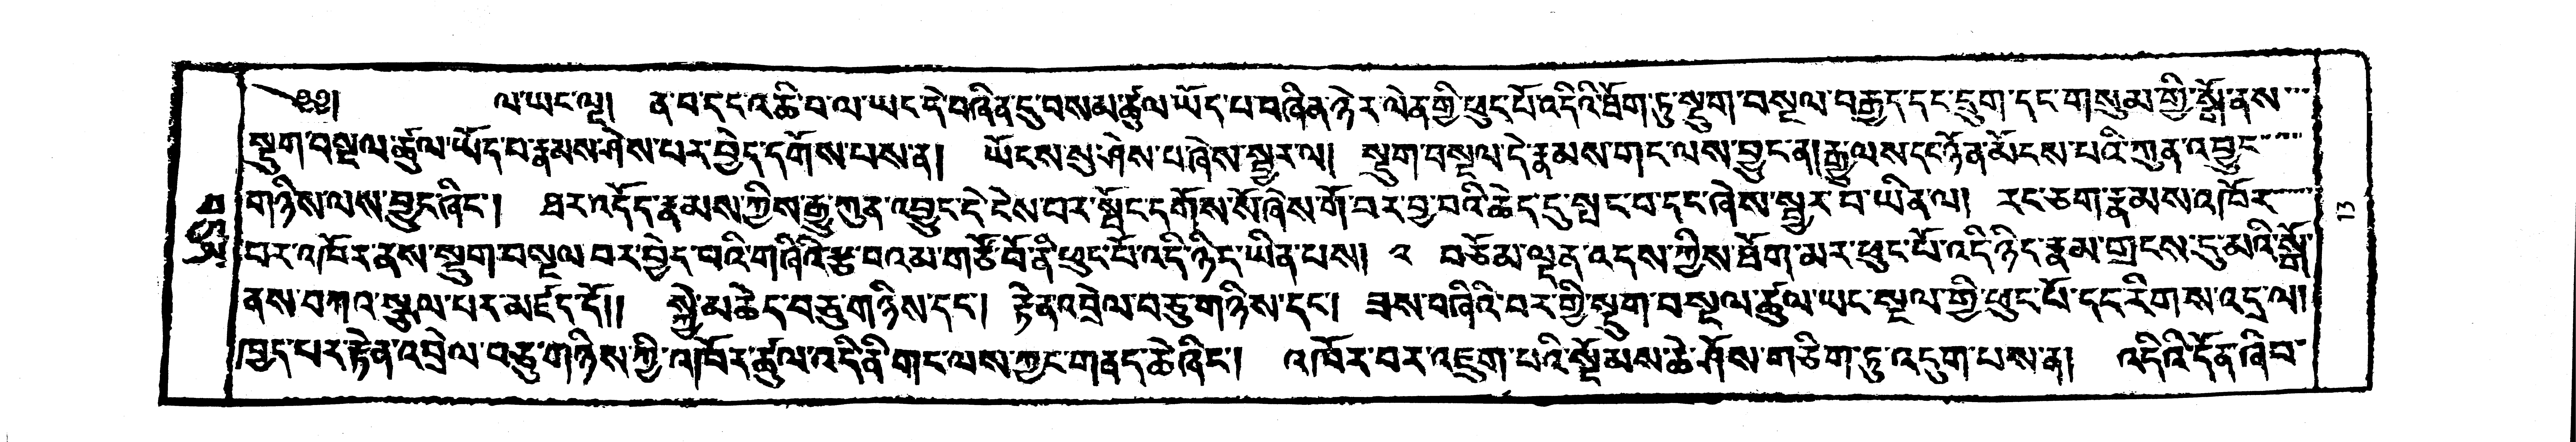༄༅། །ལ་ཡང་ལྔ། ན་བ་དང་འཆི་བ་ལ་ཡང་དེ་བཞིན་དུ་བསམ་ཚུལ་ཡོད་པ་བཞིན་ཉེར་ལེན་གྱི་ཕུང་པོ་འདིའི་ཐོག་ཏུ་སྡུག་བསྔལ་བརྒྱད་དང་དྲུག་དང་གསུམ་གྱི་སྒོ་ནས་
སྡུག་བསྔལ་ཚུལ་ཡོད་པ་རྣམས་ཤེས་པར་བྱེད་དགོས་པས་ན། ཡོངས་སུ་ཤེས་པ་ཞེས་སྦྱར་ལ། སྡུག་བསྔལ་དེ་རྣམས་གང་ལས་བྱུང་ན། རྒྱུ་ལས་དང་ཉོན་མོངས་པའི་ཀུན་འབྱུང་
གཉིས་ལས་བྱུང་ཞིང་། ཐར་འདོད་རྣམས་ཀྱིས་རྒྱུ་ཀུན་འབྱུང་དེ་ངེས་པར་སྤོང་དགོས་སོ་ཞེས་གོ་བར་བྱ་བའི་ཆེད་དུ་སྤང་བ་དང་ཞེས་སྦྱར་བ་ཡིན་ལ། རང་ཅག་རྣམས་འཁོར་
བར་འཁོར་ནས་སྡུག་བསྔལ་བར་བྱེད་པའི་གཞིའི་རྩ་བའམ་གཙོ་བོ་ནི་ཕུང་པོ་འདི་ཉིད་ཡིན་པས། ༢་བཅོམ་ལྡན་འདས་ཀྱིས་ཐོག་མར་ཕུང་པོ་འདི་ཉིད་རྣམ་གྲངས་དུ་མའི་སྒོ་
ནས་བཀའ་སྩལ་པར་མཛད་དོ། །སྐྱེ་མཆེད་བཅུ་གཉིས་དང་། རྟེན་འབྲེལ་བཅུ་གཉིས་དང་། ཟས་བཞིའི་བར་གྱི་སྡུག་བསྔལ་ཚུལ་ཡང་སྔལ་གྱི་ཕུང་པོ་དང་རིགས་འདྲ་ལ།
ཁྱད་པར་རྟེན་འབྲེལ་བཅུ་གཉིས་ཀྱི་འཁོར་ཚུལ་འདི་ནི་གང་ལས་ཀྱང་གནད་ཆེ་ཞིང་། འཁོར་བར་འཇུག་པའི་སྡོམས་ཆེ་ཤོས་གཅིག་ཏུ་འདུག་པས་ན། འདིའི་དོན་ཞིབ་